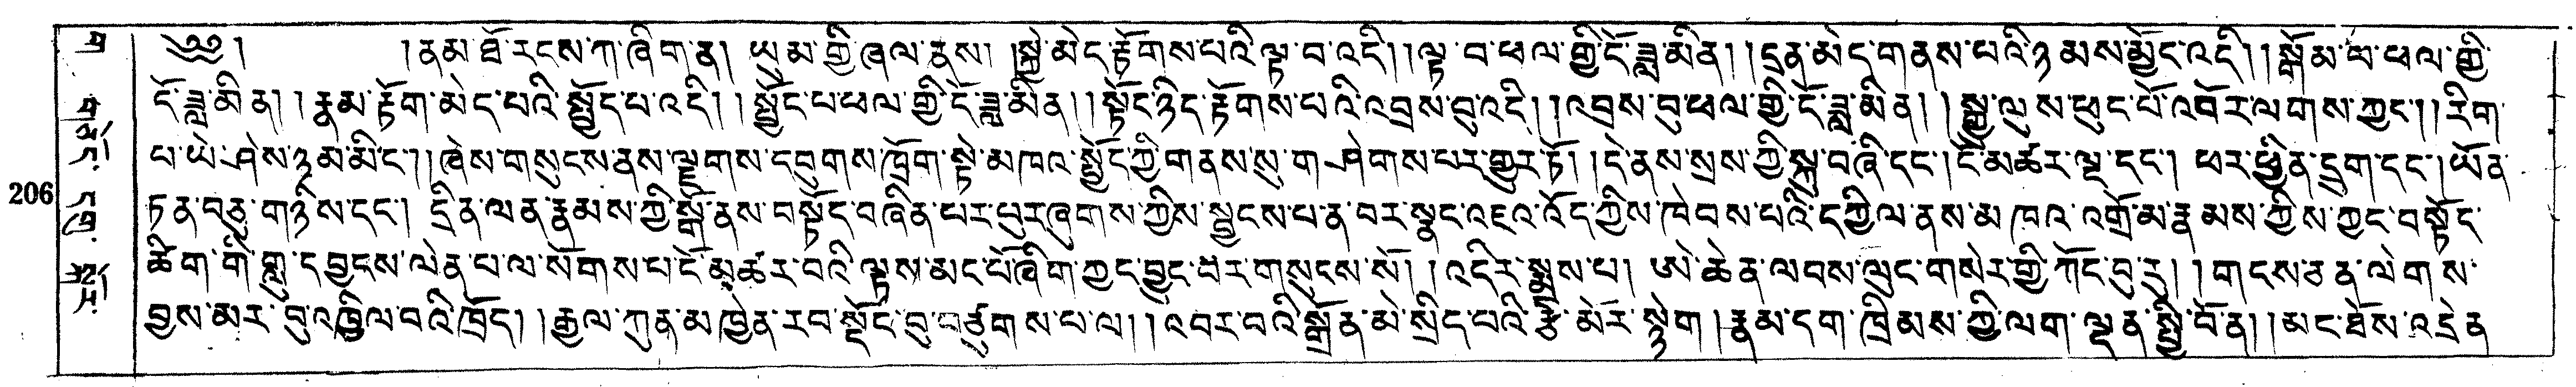༄༅། །ནམ་ཐོ་རངས་ཀ་ཞིག་ན། ཡུམ་གྱི་ཞལ་ནས། །སྐྱེ་མེད་རྟོགས་པའི་ལྟ་བ་འདི། །ལྟ་བ་ཕལ་གྱི་ངོ་ཟླ་མིན། །དྲན་མེད་གནས་པའི་ཉམས་མྱོང་འདི། །སྒོམ་ལ་ཕལ་གྱི་
ངོ་ཟླ་མིན། །རྣམ་རྟོག་མེད་པའི་སྤྱོད་པ་འདི། །སྤྱོད་པ་ཕལ་གྱི་དོ་ཟླ་མིན། །སྟོང་ཉིད་རྟོགས་པའི་འབྲས་བུ་འདི། །འབྲས་བུ་ཕལ་གྱི་ངོ་ཟླ་མིན། །སྒྱུ་ལུས་ཕུང་པོ་འབོར་ལགས་ཀྱང་། །རིག་
པ་ཡེ་ཤེས་ཉམ་མི་ང་། །ཞེས་གསུངས་ནས་ལྗགས་དབུགས་ཁྲོག་སྟེ་མཁའ་སྤྱོད་ཀྱི་གནས་སུ་གཤེགས་པར་གྱུར་ཏོ། །དེ་ནས་སྲས་ཀྱི་སྐུ་བཞི་དང་། ངོ་མཚར་ལྔ་དང་། ཕར་ཕྱིན་དྲུག་དང་། ཡོན་
ཏན་བཅུ་གཉིས་དང་། དྲིན་ལན་རྣམས་ཀྱི་སྒོ་ནས་བསྟོད་བཞིན་པར་པུར་ཞུགས་ཀྱིས་སྦྱངས་པ་ན་བར་སྣང་འཇའ་འོད་ཀྱིས་ཁེབས་པའི་དཀྱིལ་ནས་མཁའ་མགྲོ་མ་རྣམས་ཀྱིས་ཀྱང་བསྟོད་
ཚིག་གི་གླུ་དབྱངས་ལེན་པ་ལ་སོགས་པ་ངོ་མཚར་བའི་ལྟས་མང་པོ་ཞིག་ཀྱང་བྱུང་བར་གསུངས་སོ། །འདིར་སྨྲས་པ། ཨེ་ཆེན་ལབས་ལུང་གསེར་གྱི་ཀོང་བུ་རུ། །གངས་ཅན་ལེགས་
བྱས་མར་བུ་འཁྱིལ་བའི་ཁྲོད། །རྒྱལ་ཀུན་མཁྱེན་རབ་སྡོང་བུ་བཙུགས་པ་ལ། །འབར་བའི་སྒྲོན་མེ་སྲིད་པའི་རྩེ་མོར་སྙེག །རྣམ་དག་ཁྲིམས་ཀྱི་ལག་ལྡན་སྤྱི་བོ་ན། །མང་ཐོས་འདྲེན་